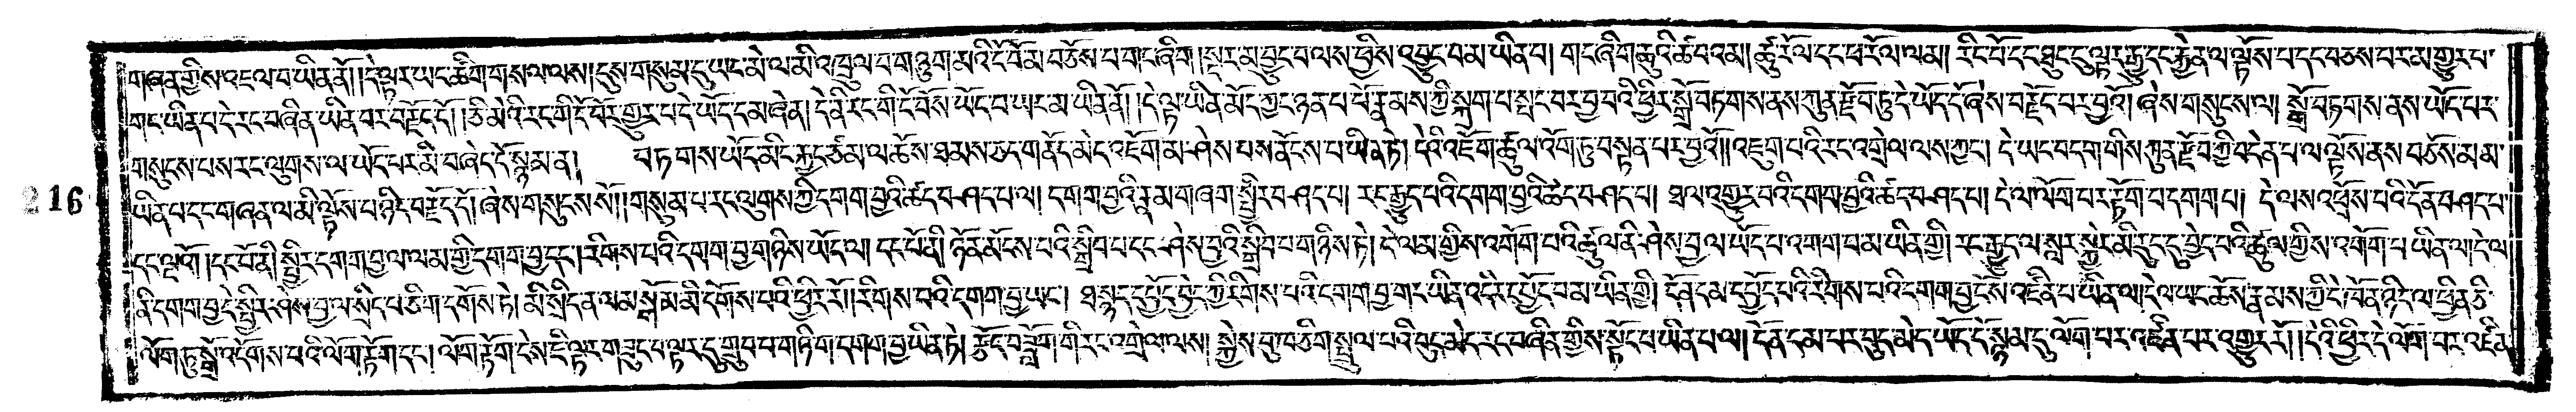གཞན་གྱིས་འཇལ་བ་ཡིན་ནོ། །དེ་ལྟར་ཡང་ཚིག་གསལ་ལས། དུས་གསུམ་དུ་ཡང་མེ་ལ་མི་འཁྲུལ་བ་གཉུག་མའི་ངོ་བོ་མ་བཅོས་པ་གང་ཞིག །སྔར་མ་བྱུང་བ་ལས་ཕྱིས་འབྱུང་བ་མ་ཡིན་པ། གང་ཞིག་ཆུའི་ཚ་བའམ། ཚུ་རོལ་དང་ཕ་རོལ་ལམ། རིང་པོ་དང་ཐུང་དུ་ལྟར་རྒྱུ་དང་རྐྱེན་ལ་ལྟོས་པ་དང་བཅས་པར་མ་གྱུར་པ་
གང་ཡིན་པ་དེ་རང་བཞིན་ཡིན་པར་བརྗོད་དོ། །ཅི་མེའི་རང་གི་ངོ་བོར་གྱུར་པ་དེ་ཡོད་དམ་ཞེ་ན། དེ་ནི་རང་གི་ངོ་བོས་ཡོད་པ་ཡང་མ་ཡིན་ནོ། །དེ་ལྟ་ཡིན་མོད་ཀྱང་ཉན་པ་པོ་རྣམས་ཀྱི་སྐྲག་བ་སྤང་བར་བྱ་བའི་ཕྱིར་སྒྲོ་བཏགས་ནས་ཀུན་རྫོབ་ཏུ་དེ་ཡོད་དོ་ཞེས་བརྗོད་པར་བྱའོ། ཞེས་གསུངས་ལ། སྒྲོ་བཏགས་ནས་ཡོད་པར་
གསུངས་པས་རང་ལུགས་ལ་ཡོད་པར་མི་བཞེད་དོ་སྙམ་ན། བཏགས་ཡོད་མིང་རྐྱང་ཙམ་ལ་ཆོས་ཐམས་ཅད་གནོད་མེད་འཇོག་མ་ཤེས་བས་ནོངས་པ་ཡིན་ཏེ། དེའི་འཇོག་ཚུལ་འོག་ཏུ་བསྟན་པར་བྱའོ། །འཇུག་པའི་རང་འགྲེལ་ལས་ཀྱང་། དེ་ཡང་བདག་གིས་ཀུན་རྫོབ་ཀྱི་བདེན་པ་ལ་ལྟོས་ནས་བཅོས་མམ་
ཡིན་པ་དང་གཞན་ལ་མི་ལྟོས་པ་ཉིད་བརྗོད་དོ། ཞེས་གསུངས་སོ། །གསུམ་པ་རང་ལུགས་ཀྱི་དགག་བྱའི་ཚད་བཤད་པ་ལ། དགག་བྱའི་རྣམ་གཞག་སྤྱིར་བཤད་པ། རང་རྒྱུད་པའི་དགག་བྱའི་ཆེད་བཤད་པ། ཐལ་འགྱུར་བའི་དགག་བྱའི་ཚད་བཤད་པ། དེ་ལ་ལོག་པར་རྟོག་པ་དགག་པ། དེ་ལས་འཕྲོས་པའི་དོན་བཤད་པ་
དང་ལྔའོ། །དང་པོ་ནི། སྤྱིར་དགག་བྱ་ལ་ལམ་གྱི་དགག་བྱ་དང་། རིགས་པའི་དགག་བྱ་གཉིས་ཡོད་ལ། དང་པོ་ནི། ཉོན་མོངས་པའི་སྒྲིབ་པ་དང་ཤེས་བྱའི་སྒྲིབ་པ་གཉིས་ཏེ། དེ་ལམ་གྱིས་འགོག་པའི་ཚུལ་ནི་ཤེས་བྱ་ལ་ཡོད་པ་འགག་པ་མ་ཡིན་གྱི། རང་རྒྱུད་ལ་སླར་སྐྱེད་མི་རུང་དུ་བྱེད་པའི་ཚུལ་གྱིས་འགོག་པ་ཡིན་ལ། དེ་ལ་
ནི་དགག་བྱ་དེ་སྤྱིར་ཤེས་བྱ་ལ་སྲིད་པ་ཅིག་དགོས་ཏེ། མི་སྲིད་ན་ལམ་སྒོམ་མི་དགོས་པའི་ཕྱིར་རོ། །རིགས་པའི་དགག་བྱ་ཡང་། ཐ་སྙད་དཔྱོད་བྱེད་ཀྱི་རིགས་པའི་དགག་བྱ་གང་ཡིན་འདིར་དཔྱོད་བ་མ་ཡིན་གྱི། དོན་དམ་དཔྱོད་པའི་རིགས་པའི་དགག་བྱ་ངོས་འཛིན་པ་ཡིན་ལ། དེ་ལ་ཡང་ཆོས་རྣམས་ཀྱི་དེ་ཁོ་ན་ཉིད་ལ་ཕྱིན་ཅི་
ལོག་ཏུ་སྒྲོ་འདོགས་པའི་ལོག་རྟོག་དང་། ལོག་རྟོག་དེས་ཇི་ལྟར་གཟུང་བ་ལྟར་དུ་གྲུབ་པ་གཉི་ག་དགག་བྱ་ཡིན་ཏེ། རྩོད་བཟློག་གི་རང་འགྲེལ་ལས། སྐྱེས་བུ་ཁ་ཅིག་སྤྲུལ་པའི་བུད་མེད་རང་བཞིན་གྱིས་སྟོང་པ་ཡིན་པ་ལ། དོན་དམ་པར་བུད་མེད་ཡོད་དོ་སྙམ་དུ་ལོག་པར་འཛིན་པར་འགྱུར་རོ། །དེའི་ཕྱིར་དེ་ལོག་པར་འཛིན་